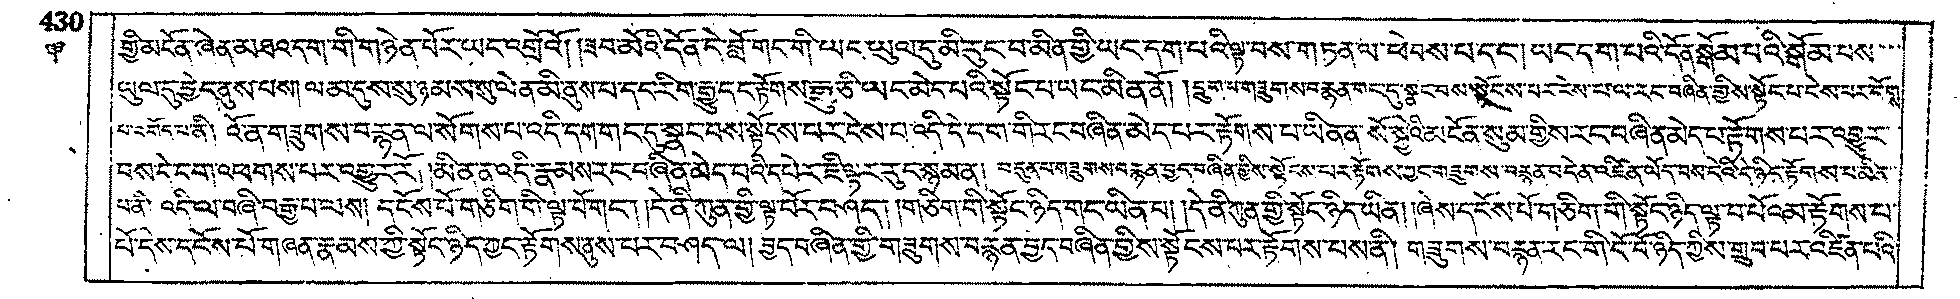གྱི་མངོན་ཞེན་མཐའ་དག་གི་གཉེན་པོར་ཡང་འགྲོའོ། །ཟབ་མོའི་དོན་དེ་བློ་གང་གི་ཡང་ཡུལ་དུ་མི་རུང་བ་མིན་གྱི་ཡང་དག་པའི་ལྟ་བས་གཏན་ལ་ཕེབས་པ་དང་། ཡང་དག་པའི་དོན་སྒོམ་པའི་སྒོམ་པས་
ཡུལ་དུ་བྱེད་ནུས་པས། ལམ་དུས་སུ་ཉམས་སུ་ལེན་མི་ནུས་པ་དང་རིག་རྒྱུ་དང་རྟོགས་རྒྱུ་ཅི་ཡང་མེད་པའི་སྟོང་པ་ཡང་མིན་ནོ། །དྲུག་པ་གཟུགས་བརྙན་གང་དུ་སྣང་བས་སྟོངས་པར་ངེས་པ་ལ་རང་བཞིན་གྱིས་སྟོང་པ་ངེས་པར་དོགས་
པ་འགོད་པ་ནི། འོ་ན་གཟུགས་བརྙན་ལ་སོགས་པ་འདི་དག་གང་དུ་སྣང་བས་སྟོང་པར་ངེས་པ་འདི་དེ་དག་གི་རང་བཞིན་མེད་པར་རྟོགས་པ་ཡིན་ན་སོ་སྐྱེའི་མངོན་སུམ་གྱིས་རང་བཞིན་མེད་པ་རྟོགས་པར་འགྱུར་
པས་དེ་དག་འཕགས་པར་འགྱུར་རོ། །མིན་ན་འདི་རྣམས་རང་བཞིན་མེད་པའི་དཔེར་ཇི་ལྟར་རུང་སྙམ་ན། བདུན་པ་གཟུགས་བརྙན་བྱད་བཞིན་གྱིས་སྟོངས་པར་རྟོགས་ཀྱང་གཟུགས་བརྙན་བདེན་འཛིན་ཡོད་པས་དེའི་དེ་ཉིད་རྟོགས་པ་མིན་
པ་ནི། འདི་ལ་བཞི་བརྒྱ་པ་ལས། དངོས་པོ་གཅིག་གི་ལྟ་པོ་གང་། །དེ་ནི་ཀུན་གྱི་ལྟ་པོར་བཤད། །གཅིག་གི་སྟོང་ཉིད་གང་ཡིན་པ། །དེ་ནི་ཀུན་གྱི་སྟོང་ཉིད་ཡིན། །ཞེས་དངོས་པོ་གཅིག་གི་སྟོང་ཉིད་ལྟ་བ་པོའམ་རྟོགས་པ་
པོ་དེས་དངོས་པོ་གཞན་རྣམས་ཀྱི་སྟོང་ཉིད་ཀྱང་རྟོགས་ནུས་པར་བཤད་ལ། བྱད་བཞིན་གྱི་གཟུགས་བརྙན་བྱད་བཞིན་གྱིས་སྟོང་པར་རྟོགས་པས་ནི། གཟུགས་བརྙན་རང་གི་ངོ་བོ་ཉིད་ཀྱིས་གྲུབ་པར་འཛིན་པའི་